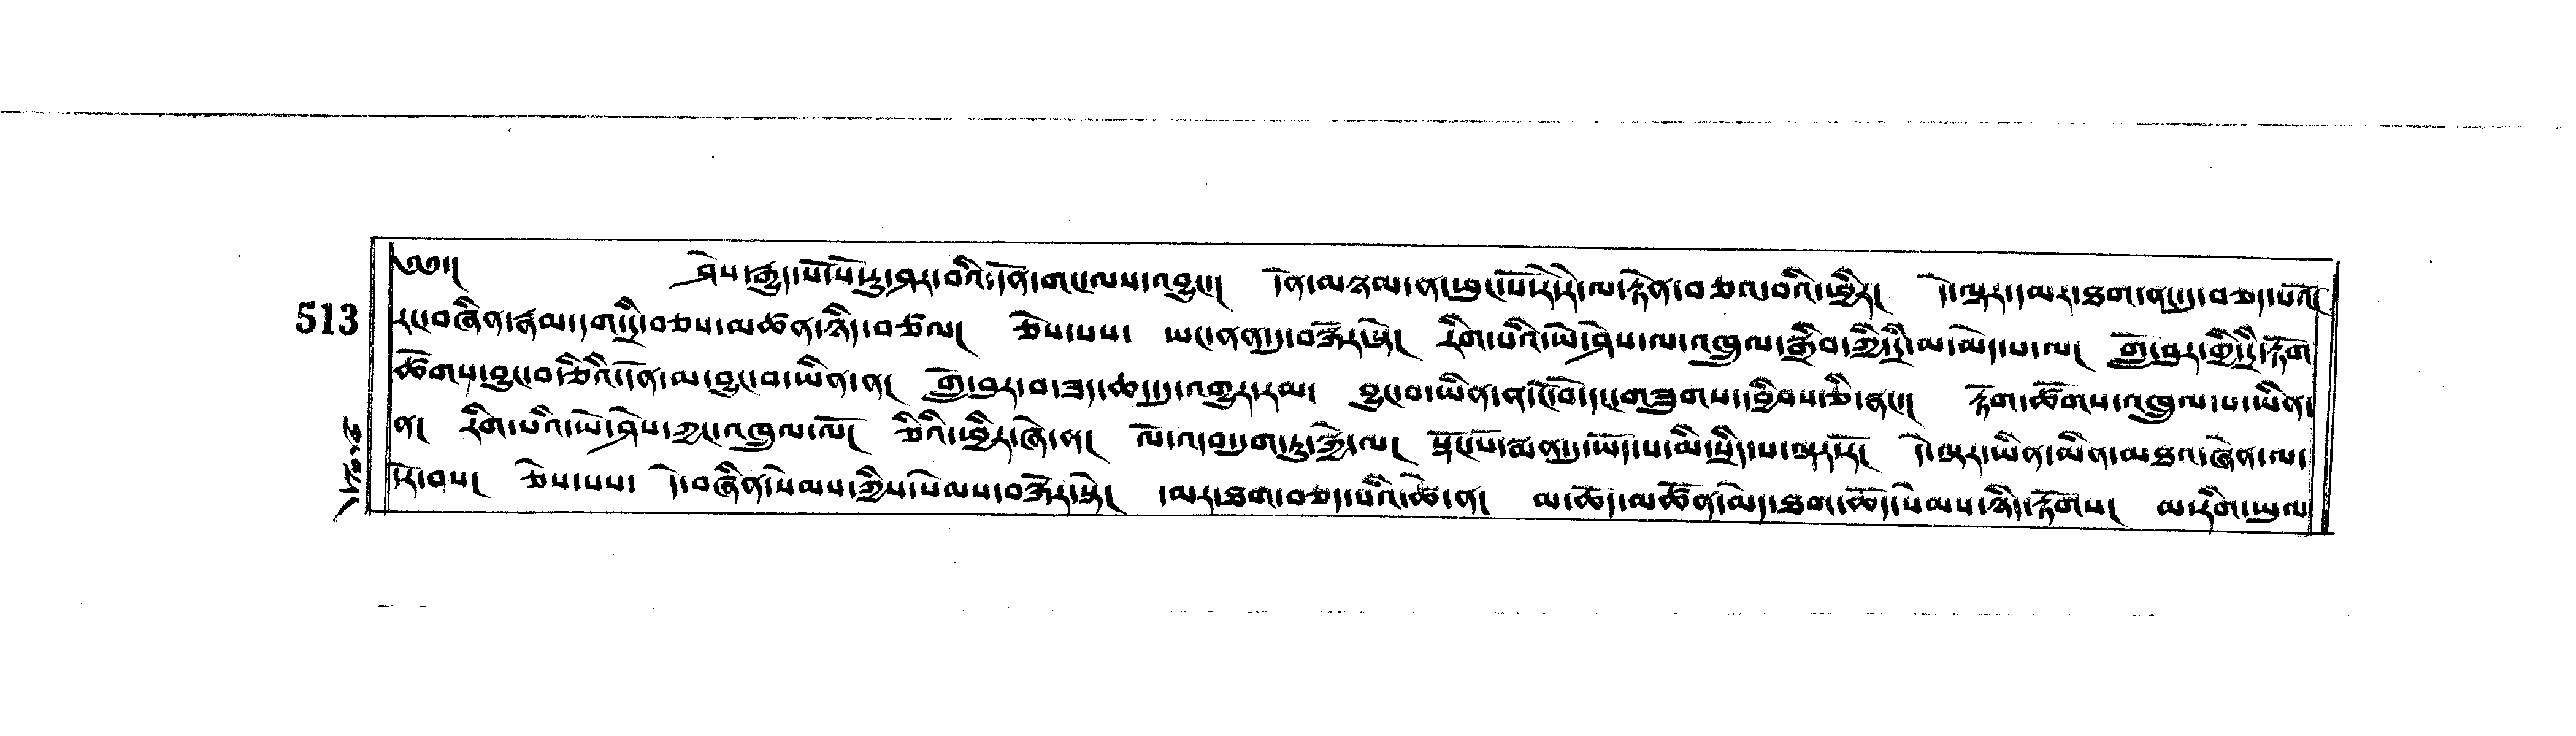ཤེས་རྒྱུད་སོ་སོ་རུ་ཤར་བའི་དོན་གང་ལས་འབྱུང་། དོན་མཉམ་ན་ཕུང་པོ་རེ་རེ་ལ་རྟེན་བཅའ་བའི་ཕྱིར། དེ་ལྟར་དམར་ཐག་ནང་དུ་བཅད་པའོ། 
རང་བཞིན་རྣམ་དག་དྲི་བཅས་མཚན་ཉིད་བཙལ། ཅེས་པས། ཡང་ནན་དུ་བསྐོར་ཏེ། རིག་པའི་ཡེ་ཤེས་ལ་འཁྲུལ་སྒྲིབ་ཀྱི་དྲི་མ་མེད་པ་ལ། གློ་བུར་གྱི་དྲི་རྟོག་
ཚོགས་བྱུང་བ་ཅིའི་དོན་ལ་བྱུང་བ་ཡིན་ནམ། གློ་བུར་བ་ཟད་ཆད་དུ་འགྱུར་རམ། བྱུང་བ་ཡིན་ན་ངོ་བོ་དང་གཟུགས་དབྱིབས་ཅི་སྣང་། རྟོག་ཚོགས་འཁྲུལ་པ་ཡིན་
ན། རིག་པའི་ཡེ་ཤེས་ཀྱང་འཁྲུལ་ལོ། ཅིའི་ཕྱིར་ཞེ་ན། ལོ་འདབ་དུག་ཏུ་སྐྱེ་ལ། སྡོང་པོ་སྨན་དུ་ཡོད་པ་མི་སྲིད་པ་ལྟར་རོ། དེ་ལྟར་ཡིན་མིན་མཐའ་ཞེན་ལ་
དོར་བས། ཅེས་པས། དེ་བཞིན་སེམས་ཀྱིས་སེམས་བསྐོར་ཏེ། དམར་ཐག་བཅད་པའི་ཚེ་ན། མ་ཆོད་མཚོན་མེད་ཐག་ཆོད་སེམས་ཉིད་རྟོགས། མ་རིག་ཡུལ་